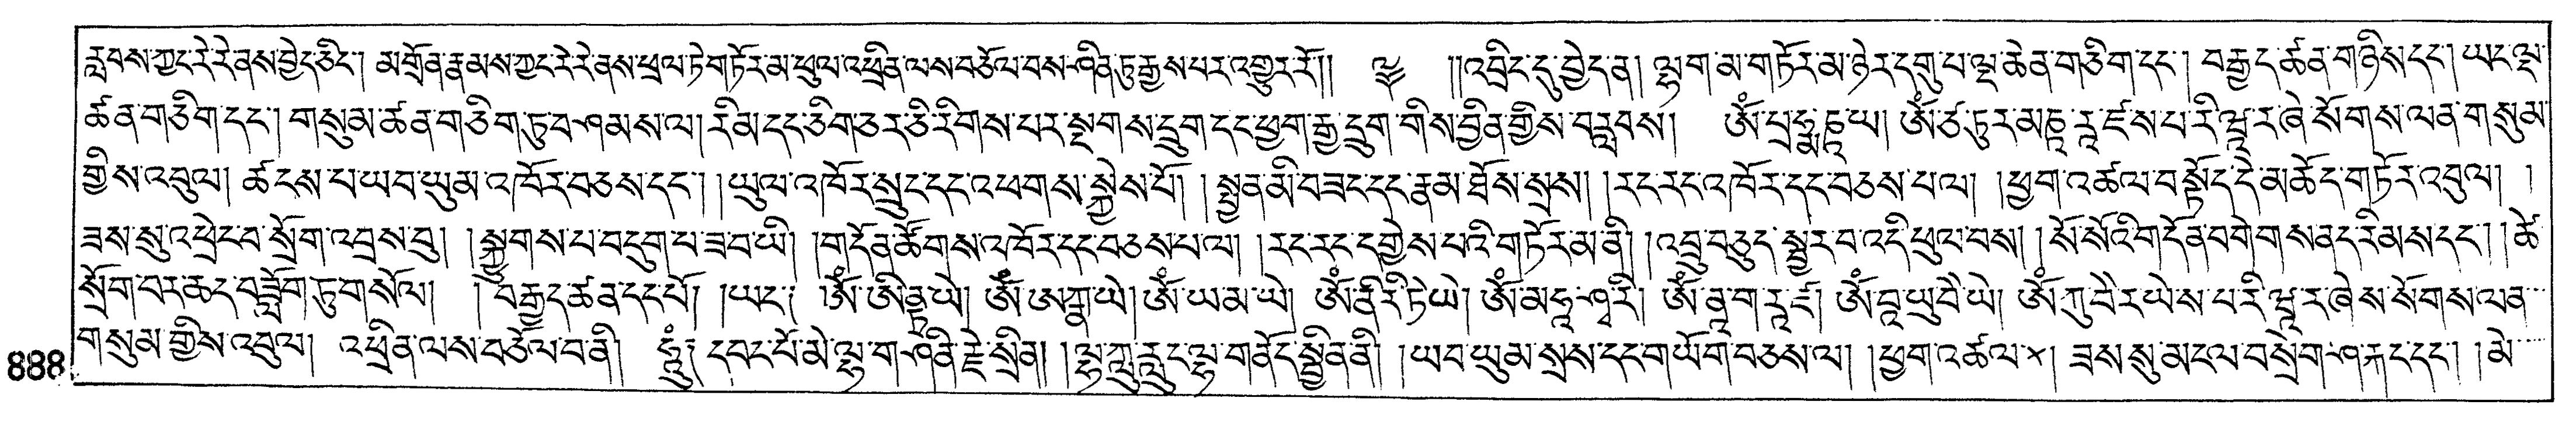རླབས་ཀྱང་རེ་རེ་ནས་བྱེད་ཅིང་། མགྲོན་རྣམས་ཀྱང་རེ་རེ་ནས་ཕྲལ་ཏེ་གཏོར་མ་ཕུལ་འཕྲིན་ལས་བཅོལ་བས་ཤིན་ཏུ་རྒྱས་པར་འགྱུར་རོ།། ༈ །།འབྲིང་དུ་བྱེད་ན། ལྷག་མ་གཏོར་མ་ཉེར་དགུ་པ་ལྔ་ཆེན་གཅིག་དང་། བརྒྱད་ཚན་གཉིས་དང་། ཡང་ལྔ་
ཚན་གཅིག་དང་། གསུམ་ཚན་གཅིག་ཏུ་བཤམས་ལ། རིམ་དང་ཅིག་ཅར་ཅི་རིགས་པར་སྔགས་དྲུག་དང་ཕྱག་རྒྱ་དྲུག་གིས་བྱིན་གྱིས་བརླབས། ཨོཾ་པྲ་ཧྨ་ཎཱ་ཡ། ཨོཾ་ཙ་ཏུར་མ་ཎཱ་རཱ་ཛ་ས་པ་རི་ཝཱ་ར་ཞེ་སོགས་ལན་གསུམ་
གྱིས་འབུལ། ཚངས་པ་ཡབ་ཡུམ་འཁོར་བཅས་དང་། །ཡུལ་འཁོར་སྲུང་དང་འཕགས་སྐྱེས་པོ། །སྤྱན་མི་བཟང་དང་རྣམ་ཐོས་སྲས། །རང་རང་འཁོར་དང་བཅས་པ་ལ། །ཕྱག་འཚལ་བསྟོད་དེ་མཆོད་གཏོར་འབུལ། །
ཟས་སུ་འཕྲེང་བ་སྲོག་འབྲས་བུ། །སྐྱུགས་པ་བདུག་པ་ཟ་བ་ཡི། །གདོན་ཚོགས་འཁོར་དང་བཅས་པ་ལ། །རང་རང་དགྱེས་པའི་གཏོར་མ་ནི། །འབྲུ་བཅུད་སྦྱར་བ་འདི་ཕུལ་བས། །སོ་སོའི་གདོན་བགེགས་ནད་རིམས་དང་། །ཚེ་
སྲོག་བར་ཆད་བཟློག་ཏུ་གསོལ། །བརྒྱད་ཚན་དང་པོ། །ཡང༑ ཨོཾ་ཨིནྟྲ་ཡེ། ཨོཾ་ཨཀྣ་ཡེ། ཨོཾ་ཡ་མ་ཡེ། ཨོཾ་ནི་རི་ཏེ་ཡེ། ཨོཾ་མཧཱ་ཤྭ་རི། ཨོཾ་ནཱ་ག་རཱ་ཛ། ཨོཾ་བཱ་ཡུ་བཻ་ཡེ། ཨོཾ་ཀུ་བཻ་ར་ཡེ་ས་པ་རི་ཝཱ་ར་ཞེས་སོགས་ལན་
གསུམ་གྱིས་འབུལ། འཕྲིན་ལས་བཅོལ་བ་ནི། ཧཱུཾ༑ དབང་པོ་མེ་ལྷ་གཤིན་རྗེ་སྲིན། །ལྷ་ཀླུ་རླུང་ལྷ་གནོད་སྦྱིན་ནི། །ཡབ་ཡུམ་སྲས་དང་གཡོག་བཅས་ལ། །ཕྱག་འཚལ་྾། ཟས་སུ་མངལ་བསྲེག་ཤ་རྐང་དང་། །མེ་